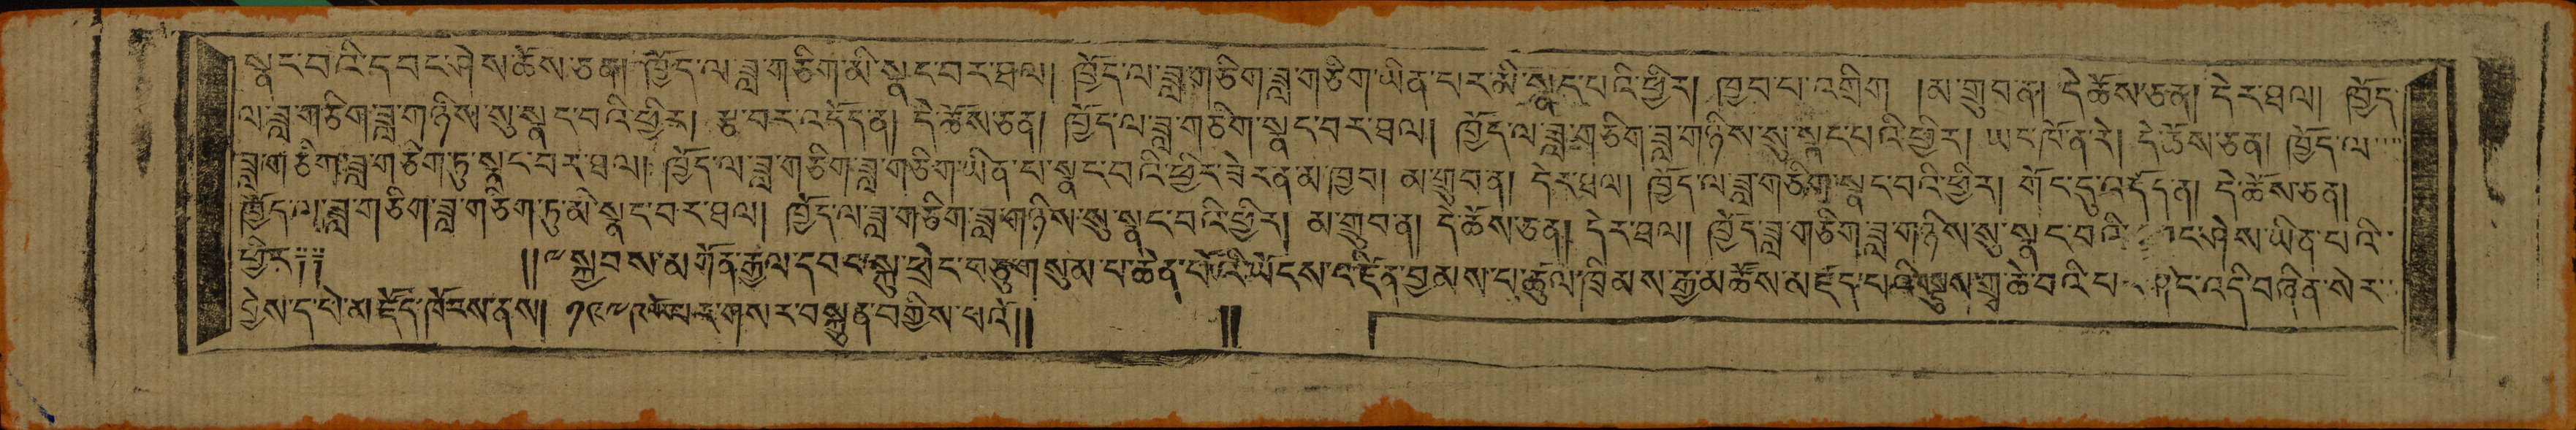སྣང་བའི་དབང་ཤེས་ཆོས་ཅན། ཁྱོད་ལ་ཟླ་གཅིག་མི་སྣང་བར་ཐལ། ཁྱོད་ལ་ཟླ་གཅིག་ཟླ་གཅིག་ཡིན་པར་མི་སྣང་བའི་ཕྱིར། ཁྱབ་པ་འགྲིག །མ་གྲུབ་ན། དེ་ཆོས་ཅན། དེར་ཐལ། ཁྱོད་
ལ་ཟླ་གཅིག་ཟླ་གཉིས་སུ་སྣང་བའི་ཕྱིར། རྩ་བར་འདོད་ན། དེ་ཆོས་ཅན། ཁྱོད་ལ་ཟླ་གཅིག་སྣང་བར་ཐལ། ཁྱོད་ལ་ཟླ་གཅིག་ཟླ་གཉིས་སུ་སྣང་བའི་ཕྱིར། ཡང་ཁོ་ན་རེ། དེ་ཆོས་ཅན། ཁྱོད་ལ་
ཟླ་གཅིག་ཟླ་གཅིག་ཏུ་སྣང་བར་ཐལ། ཁྱོད་ལ་ཟླ་གཅིག་ཟླ་གཅིག་ཡིན་པ་སྣང་བའི་ཕྱིར་ཟེར་ན་མ་ཁྱབ། མ་གྲུབ་ན། དེར་ཐལ། ཁྱོད་ལ་ཟླ་གཅིག་སྣང་བའི་ཕྱིར། གོང་དུ་འདོད་ན། དེ་ཆོས་ཅན།
ཁྱོད་ལ་ཟླ་གཅིག་ཟླ་གཅིག་ཏུ་མི་སྣང་བར་ཐལ། ཁྱོད་ལ་ཟླ་གཅིག་ཟླ་གཉིས་སུ་སྣང་བའི་ཕྱིར། མ་གྲུབ་ན། དེ་ཆོས་ཅན། དེར་ཐལ། ཁྱོད་ཟླ་གཅིག་ཟླ་གཉིས་སུ་སྣང་བའི་དབང་ཤེས་ཡིན་པའི་
ཕྱིར༑༑ །།༧སྐྱབས་མགོན་རྒྱལ་དབང་སྐུ་ཕྲེང་བཅུ་གསུམ་པ་ཆེན་པོའི་ཡོངས་འཛིན་བྱམས་པ་ཚུལ་ཁྲིམས་རྒྱ་མཚོས་མཛད་པའི་བསྡུས་གྲྭ་ཆེ་བའི་པར་ཤིང་འདི་བཞིན་སེར་
བྱེས་དཔེ་མཛོད་ཁོངས་ནས། ༡༩༩༦་ལོར་པར་གསར་བསྐྲུན་བགྱིས་པའོ།།